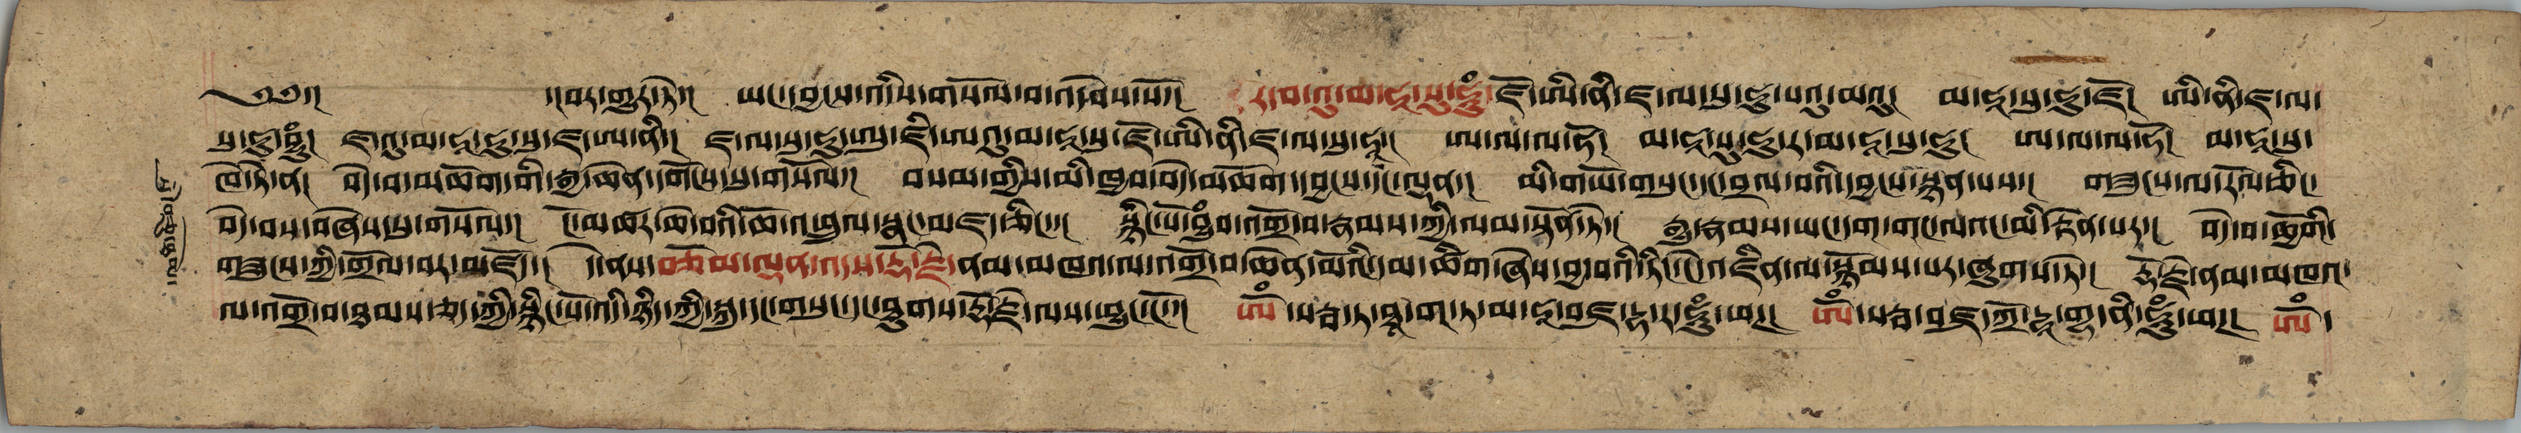༄༅་། ་།བར་གྱུར་ཏེ་། ཡང་དབྱངས་འདིས་གསོལ་བ་འདེབས་སོ་། ར་བ་འུ་མ་ཧཱ་སུ་ཧཱུཾ་ཛོཨི་ནི་ཛ་ལ་སུ་ཧུ་པའུ་མའུ། མ་ཧཱ་སུ་ཧུ་ཛོ། ཨི་ནི་ཛ་ལ་
སུ་ཧུ་བྷུཾ། ཛ་འུ་མ་ཧཱ་ཧུ་སུ་ཛ་ཨ་ནི་། ཛ་ལ་སུ་ཧུ་ཨུ་ཛི་ཨའུ་མ་ཧཱ་པུ་ཛོ་ཨི་ནི་ཛ་ལ་སུ་ཧཱ་། ཨ་ལ་ལ་ཧོ། མ་ཧཱ་པུ་ཧུ་ར་མ་ཧཱ་སུ་ཧུ། ཨ་ལ་ལ་ཧོ། མ་ཧཱ་སུ་
ཁེ་ཏེ་ན། བདེ་བ་མཆོག་གི་རྒྱ་ཆེན་དགོངས་སུ་གསོལ་། བསམ་གྱིས་མི་ཁྱབ་བདེ་མཆོག་དབྱངས་དང་ལྡན་། མི་གཡོ་གསུང་དང་བྲལ་བའི་དབྱངས་སྙན་པས་། གཟུངས་ལ་རོལ་ཅིང་
བདེ་བས་བཞེས་སུ་གསོལ་། ངོ་མཚར་ཆེ་བའི་ཆོ་འཕྲུལ་སྣང་མཛད་ཅིང་་། སྙིང་པོ་བྱུཾབ་འགྲོ་བ་རྣམས་ཀྱི་ལམ་སྟོན་ཏེ་། རྒྱུ་རྣམས་ཡང་དག་གང་ལའང་མི་རྟེན་པར་། བདེ་བ་ཆྱོགི་
གཟུངས་ཀྱི་གྲོལ་བར་མཛོད་། དེ་ནས་བཅོམ་ལྡན་འདས་རྡོ་རྗེ་ནམ་མཁའ་ལ་འགྲོ་བ་ཆེན་མོའི་དམ་ཚིག་ཞེས་བྱ་བའི་ཏིང་ངེ་འཛིན་ལ་སྙོམས་པར་ཞུགས་ཏེ་། རྡོ་རྗེ་ནམ་མཁའ་
ལ་འགྲོ་བ་ཐམས་ཅད་ཀྱི་སྙིང་པོ་འདི་ཉིད་ཀྱི་སྐུ་དང་གསུང་དང་ཐུགས་རྡོ་རྗེ་ལས་ཕྱུང་ངོ་་། ཨོཾ་སརྦ་ཏ་ཐཱ་ག་ཏ་མ་ཧཱ་བཛྲ་དྷ་ར་ཧཱུཾ་ཕཊ། ཨོཾ་སརྦ་བཛྲ་ཀྲོ་དྷཱ་གྷ་ནི་ཧཱུཾ་ཕཊ། ཨོཾ་